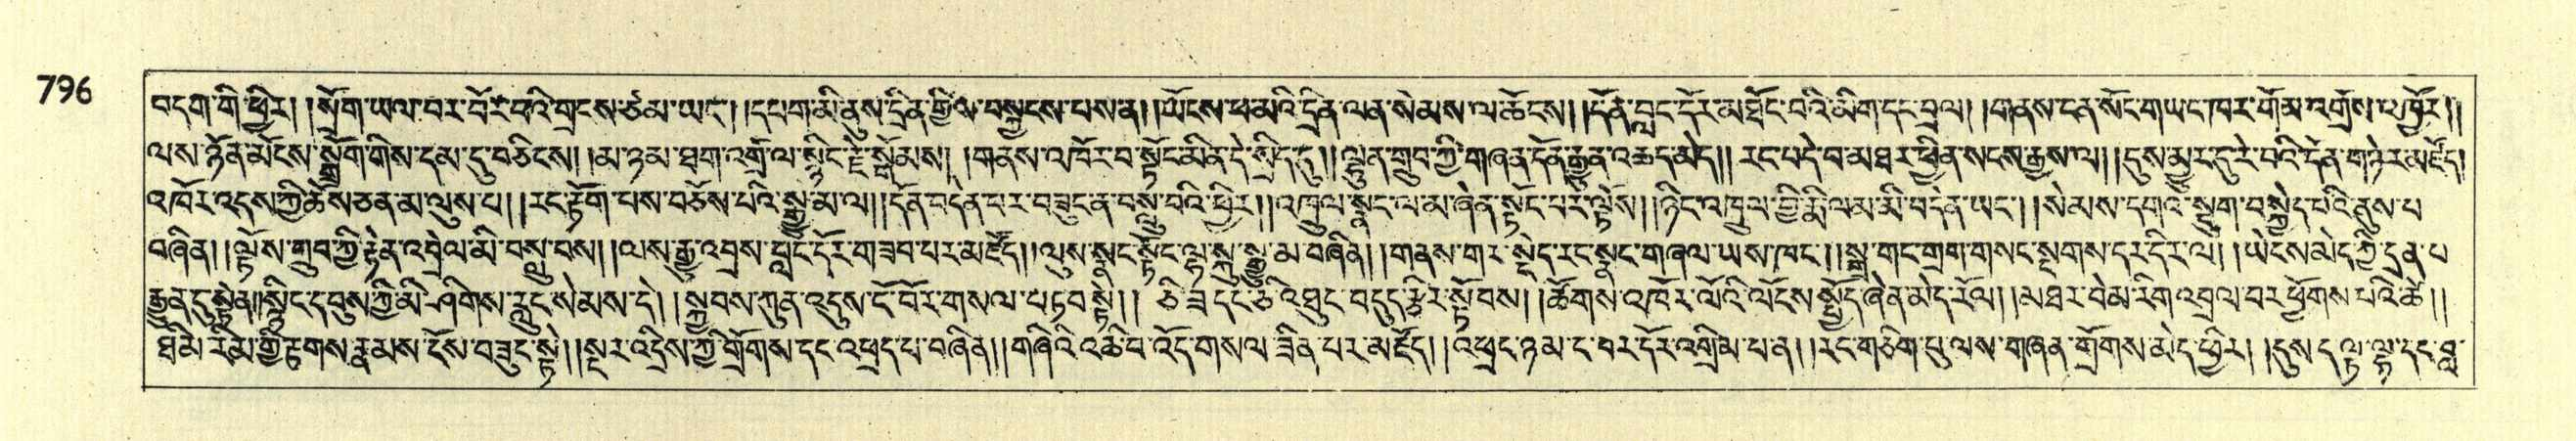བདག་གི་ཕྱིར། །སྲོག་ཡལ་བར་བོར་བའི་གྲངས་ཙམ་ཡང་། །དཔག་མི་ནུས་དྲིན་གྱིས་བསྐྱངས་པས་ན། །ཡོངས་ཕ་མའི་དྲིན་ལན་སེམས་ལ་ཆོངས། །དོན་བླང་དོར་མཐོང་བའི་མིག་དང་བྲལ། །གནས་ངན་སོང་གཡང་ཁར་གོམ་འགྲོས་འཁྱོར།།
ལས་ཉོན་མོངས་སྒྲོག་གིས་དམ་དུ་བཅིངས། །མ་ཉམ་ཐག་འགྲོ་ལ་སྙིང་རྗེ་སྒོམས། །གནས་འཁོར་བ་སྟོང་མིན་དེ་སྲིད་དུ། །ལྷུན་གྲུབ་ཀྱི་གཞན་དོན་རྒྱུན་འཆད་མེད།། རང་བདེ་བ་མཐར་ཕྱིན་སངས་རྒྱས་ལ། །དུས་མྱུར་དུ་རེ་བའི་དོན་གཉེར་མཛོད།
འཁོར་འདས་ཀྱི་ཆོས་ཅན་མ་ལུས་པ། །རང་རྟོག་པས་བཅོས་པའི་སྒྱུ་མ་ལ། །དོན་བདེན་པར་བཟུང་ན་བསླུ་བའི་ཕྱིར། །འཁྲུལ་སྣང་ལ་མ་ཞེན་སྟོང་པར་ལྟོས། །ཉིང་འཁྲུལ་གྱི་རྨི་ལམ་མི་བདེན་ཡང་། །སེམས་དགའ་སྡུག་བསྐྱེད་པའི་ནུས་པ་
བཞིན། །ལྟོས་གྲུབ་ཀྱི་རྟེན་འབྲེལ་མི་བསླུ་བས། །ལས་རྒྱུ་འབྲས་བླང་དོར་གཟབ་པར་མཛོད། །ལུས་སྣང་སྟོང་ལྷ་སྐུ་སྒྱུ་མ་བཞིན། །གནས་གར་སྡེད་རང་སྣང་གཞལ་ཡས་ཁང་། །སྒྲ་གང་གྲག་གསང་སྔགས་དར་དིར་ལ། །ཡེངས་མེད་ཀྱི་དྲན་པ་
རྒྱུན་དུ་སྟེན། །སྙིང་དབུས་ཀྱི་མི་ཤིགས་རླུང་སེམས་དེ། །སྐྱབས་ཀུན་འདུས་ངོ་བོར་གསལ་བཏབ་སྟེ།། ཅི་ཟ་དང་ཅི་འཐུང་བདུད་རྩིར་སྟོབས། །ཚོགས་འཁོར་ལོའི་ལོངས་སྤྱོད་ཞེན་མེད་རོལ། །མཐར་བེམ་རིག་འབྲལ་བར་ཕྱོགས་པའི་ཚེ།།
ཐིམ་རིམ་གྱི་རྟགས་རྣམས་ངོས་བཟུང་སྟེ། །སྔར་འདྲིས་ཀྱི་གྲོགས་དང་འཕྲད་པ་བཞིན། །གཞིའི་འཆི་བ་འོད་གསལ་ཟིན་པར་མཛོད། །འཕྲང་ཉམ་ང་བར་དོར་འགྲིམ་པ་ན། །རང་གཅིག་པུ་ལས་གཞན་གྲོགས་མེད་ཕྱིར། །དུས་ད་ལྟ་ལྷ་དང་བླ་